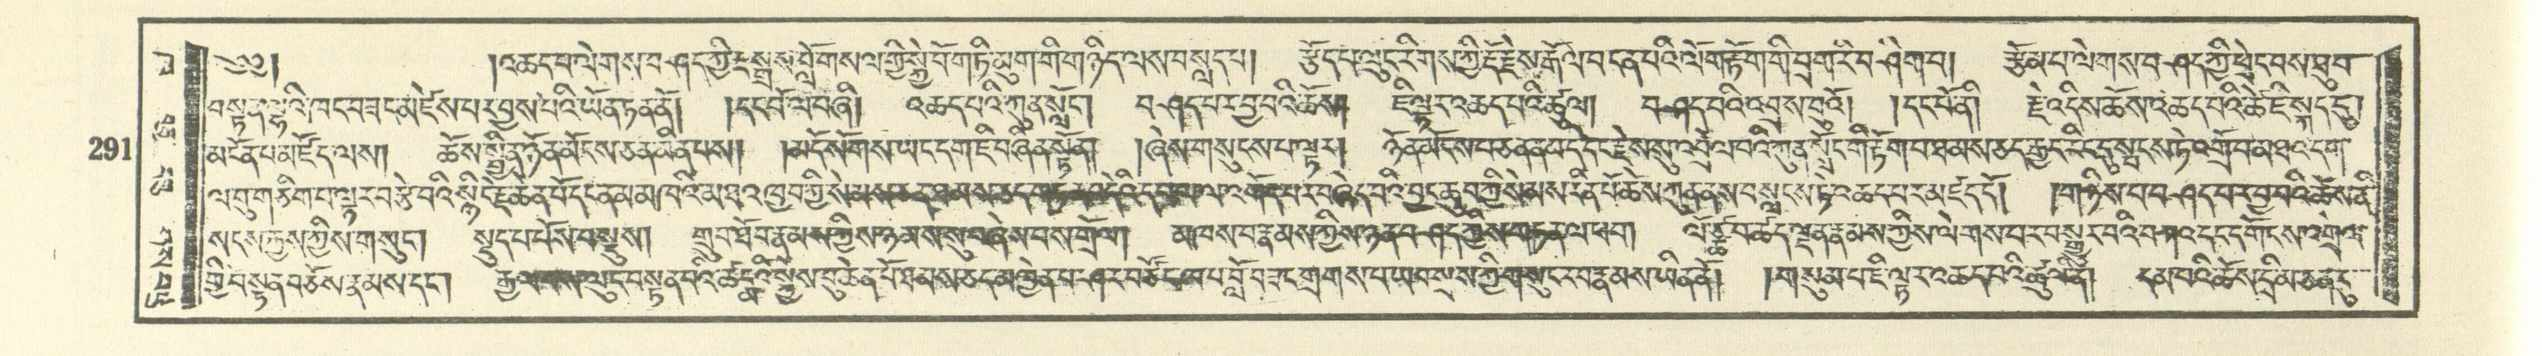༄༅། །འཆད་པ་ལེགས་བཤད་ཀྱི་རྔ་སྒྲས་བློ་གསལ་གྱི་སྐྱེ་བོ་གཏི་མུག་གི་གཉིད་ལས་བསླད་པ། རྩོད་པ་ལུང་རིགས་ཀྱི་རྡོ་རྗེས་རྒོལ་བདན་པའི་ལོག་རྟོག་གི་བྲག་རི་བཤིག་པ། རྩོམ་པ་ལེགས་བཤད་ཀྱི་ཕྲེང་བས་ཐུབ་
བསྟན་ལྷའི་ཁང་བཟང་མཛེས་པར་བྱས་པའི་ཡོན་ཏན་ནོ། །དང་པོ་ལ་བཞི། འཆད་པའི་ཀུན་སློང་། བཤད་པར་བྱ་བའི་ཆོས། ཇི་ལྟར་འཆད་པའི་ཚུལ། བཤད་པའི་འབྲས་བུའོ། །དང་པོ་ནི། རྗེ་འདིས་ཆོས་འཆད་པའི་ཚེ་ཇི་སྐད་དུ།
མངོན་པ་མཛོད་ལས། ཆོས་སྦྱིན་ཉོན་མོངས་ཅན་མིན་པས། །མདོ་སོགས་ཡང་དག་ཇི་བཞིན་སྟོན། །ཞེས་གསུངས་པ་ལྟར། ཉོན་མོངས་པ་ཅན་ནམ་དེ་དང་རྗེས་སུ་འབྲེལ་བའི་ཀུན་སློང་གི་རྟོག་པ་ཐམས་ཅད་རྒྱང་རིང་དུ་སྤངས་ཏེ་འགྲོ་བ་མཐའ་དག་
ལ་བུ་གཅིག་པ་ལྟར་བརྩེ་པའི་སྙིང་རྗེ་ཆེན་པོ་དང་ནམ་མཁའི་མཐའ་ཁྱབ་ཀྱི་སེམས་ཅན་ཐམས་ཅད་གཏན་བདེའི་དཔལ་ལ་འགོད་པར་བཞེད་པའི་བྱང་ཆུབ་ཀྱི་སེམས་རིན་པོ་ཆེས་ཀུན་ནས་བསླངས་ཏེ་འཆད་པར་མཛད་དོ། །གཉིས་པ་བཤད་པར་བྱ་བའི་ཆོས་ནི་
སངས་རྒྱས་ཀྱིས་གསུང་། སྡུད་པ་པོས་བསྡུས། གྲུབ་ཐོབ་རྣམས་ཀྱིས་ཉམས་སུ་བཞེས་པས་གྲོལ། མཁས་པ་རྣམས་ཀྱིས་ཉན་བཤད་ཀྱིས་གཏན་ལ་ཕབ། ལོ་ཙྪ་བ་ཚད་ལྡན་རྣམས་ཀྱིས་ལེགས་པར་བསྒྱུར་བའི་བཀའ་དང་དགོངས་འགྲེལ་
གྱི་བསྟན་བཅོས་རྣམས་དང་། རྒྱལ་བས་ལུང་བསྟན་པའི་ཚད་མའི་སྐྱེས་བུ་ཆེན་པོ་ཐམས་ཅད་མཁྱེན་པ་ཤར་བཙོང་ཁ་པ་བློ་བཟང་གྲགས་པ་ཡབ་སྲས་ཀྱི་གསུང་རབ་རྣམས་ཡིན་ནོ། །གསུམ་པ་ཇི་ལྟར་འཆད་པའི་ཚུལ་ནི། དམ་པའི་ཆོས་དྲི་མ་ཅན་དུ་